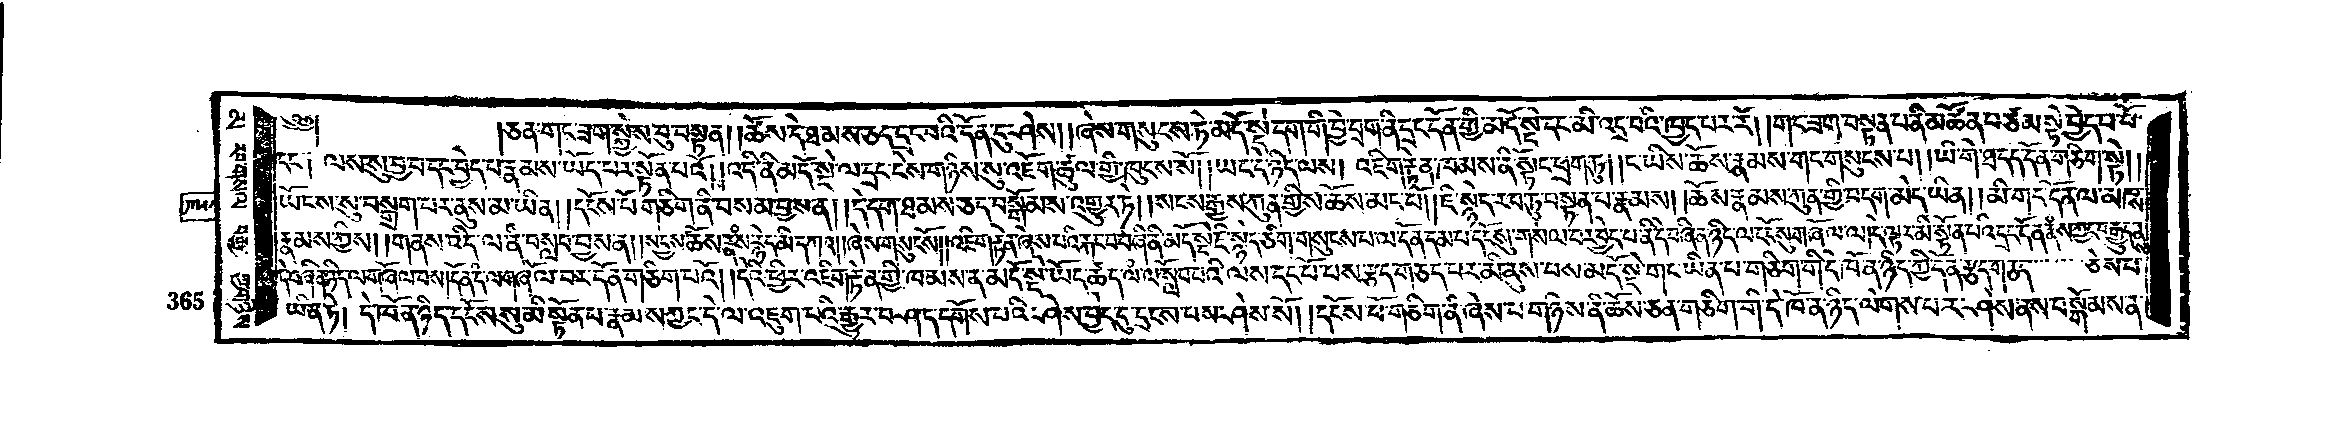༄༅། །ཅན་གང་ཟག་སྐྱེས་བུ་བསྟན། །ཆོས་དེ་ཐམས་ཅད་དྲང་བའི་དོན་དུ་ཤེས། །ཞེས་གསུངས་ཏེ་མདོ་སྡེ་དག་གི་བྱེ་བྲག་ནི་དྲང་དོན་གྱི་མདོ་སྡེ་དང་མི་འདྲ་བའི་ཁྱད་པར་རོ། །གང་ཟག་བསྟན་པ་ནི་མཚོན་པ་ཙམ་སྟེ་བྱེད་པ་པོ་
དང་། ལས་སུ་བྱ་བ་དང་བྱེད་པ་རྣམས་ཡོད་པར་སྟོན་པའོ། །འདི་ནི་མདོ་སྡེ་ལ་དྲང་ངེས་གཉིས་སུ་འཇོག་ཚུལ་གྱི་ཁུངས་སོ། །ཡང་དེ་ཉིད་ལས། འཇིག་རྟེན་ཁམས་ནི་སྟོང་ཕྲག་ཏུ། །ང་ཡིས་ཆོས་རྣམས་གང་གསུངས་པ། །ཡི་གེ་ཐ་དད་དོན་གཅིག་སྟེ། །
ཡོངས་སུ་བསྒྲག་པར་ནུས་མ་ཡིན། །དངོས་པོ་གཅིག་ནི་བསམ་བྱས་ན། །དེ་དག་ཐམས་ཅད་བསྒོམས་འགྱུར་ཏེ། །སངས་རྒྱས་ཀུན་གྱིས་ཆོས་མང་པོ། །ཇི་སྙེད་རབ་ཏུ་བསྟན་པ་རྣམས། །ཆོས་རྣམས་ཀུན་གྱི་བདག་མེད་ཡིན། །མི་གང་དོན་ལ་མཁས་
རྣམས་ཀྱིས། །གནས་འདི་ལ་ནི་བསླབ་བྱས་ན། །སངས་རྒྱས་ཆོས་རྣམས་རྙེད་མི་དཀའ། །ཞེས་གསུངས་སོ། །འཇིག་རྟེན་ཞེས་པའི་རྐང་པ་བཞི་ནི་མདོ་སྡེ་ཇི་སྙེད་ཅིག་གསུངས་པ་ལ་དོན་དམ་པ་དངོས་སུ་གསལ་བར་བྱེད་པ་ནི་དེ་བཞིན་ཉིད་ལ་དངོས་སུ་གཞོལ་ལ། དེ་ལྟར་མི་སྟོན་པའི་དྲང་དོན་རྣམས་ཀྱང་བརྒྱུད་ནས་
དེ་བཞིན་ཉིད་ལ་གཞོལ་བས། དོན་དམ་ལ་གཞོལ་བར་དོན་གཅིག་པའོ། །དེའི་ཕྱིར་འཇིག་རྟེན་གྱི་ཁམས་ན་མདོ་སྡེ་ཡོད་ཚད་ལམ་ལ་སློབ་པའི་ལས་དང་པོ་པས་རྩད་གཅད་པར་མི་ནུས་པས་མདོ་སྡེ་གང་ཡིན་པ་གཅིག་གི་དེ་ཁོ་ན་ཉིད་ཀྱི་དོན་རྩད་གཅད་ཅེས་པ་
ཡིན་ཏེ། དེ་ཁོ་ན་ཉིད་དངོས་སུ་མི་སྟོན་པ་རྣམས་ཀྱང་དེ་ལ་འཇུག་པའི་རྒྱུར་བཤད་དགོས་པའི་ཤེས་བྱེད་དུ་དྲངས་པས་ཤེས་སོ། །དངོས་པོ་གཅིག་ནི་ཞེས་པ་གཉིས་ནི་ཆོས་ཅན་གཅིག་གི་དེ་ཁོ་ན་ཉིད་ལེགས་པར་ཤེས་ནས་བསྒོམས་ན་